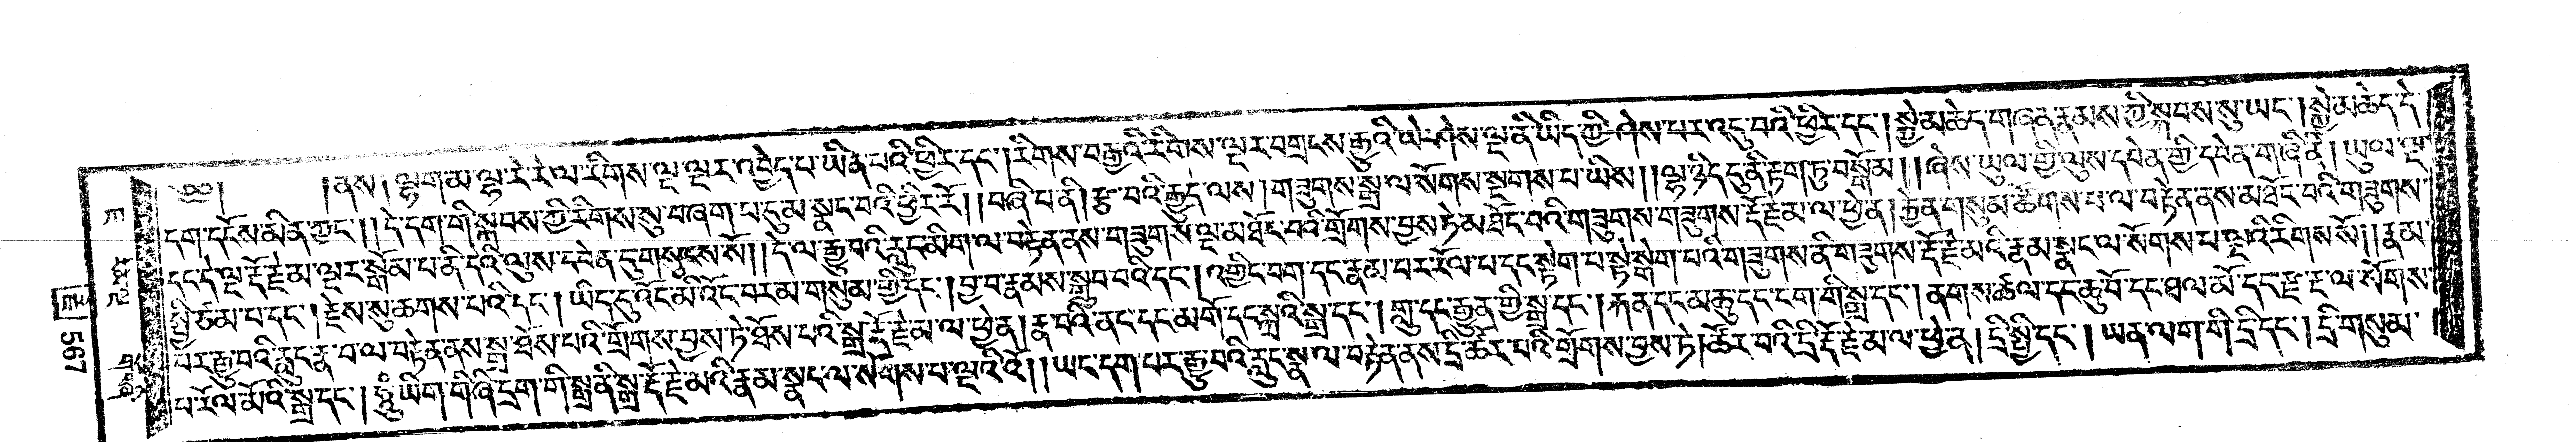༄༅། །ནས། ལྷག་མ་ལྷ་རེ་རེ་ལ་རིགས་ལྔ་ལྔར་འབྱེད་པ་ཡིན་པའི་ཕྱིར་དང་། རིགས་བརྒྱའི་རིགས་ལྔར་བགྲངས་རྒྱུའི་ཡེ་ཤེས་ལྔ་ནི་ཡིད་ཀྱི་ཤེས་པར་འདུ་བའི་ཕྱིར་དང་། སྐྱེ་མཆེད་གཞན་རྣམས་ཀྱི་སྐབས་སུ་ཡང་། སྐྱེ་མཆེད་དེ་
དག་དངོས་མིན་ཀྱང་། །དེ་དག་གི་སྐབས་ཀྱི་རིགས་སུ་བཞག་པ་དུ་མ་སྣང་བའི་ཕྱིར་རོ། །བཞི་པ་ནི། རྩ་བའི་རྒྱུད་ལས། གཟུགས་སྒྲ་ལ་སོགས་སྔགས་པ་ཡིས། །ལྷ་ཉིད་དུ་ནི་རྟག་ཏུ་བསྒོམ། །ཞེས་ཡུལ་གྱི་ལུས་དབེན་གྱི་དབེན་གཞི་ནི། ཡུལ་ལྔ་
དང་དེ་ལྔ་རྡོ་རྗེ་མ་ལྔར་སྒོམ་པ་ནི་དེའི་ལུས་དབེན་དུ་གསུངས་སོ། །དེ་ལ་རྒྱུ་བའི་རླུང་མིག་ལ་བརྟེན་ནས་གཟུགས་ལྔ་མཐོང་བའི་གྲོགས་བྱས་ཏེ་མཐོང་བའི་གཟུགས་གཟུགས་རྡོ་རྗེ་མ་ལ་ཕྱེ་ན། རྐྱེན་གསུམ་ཚོགས་པ་ལ་བརྟེན་ནས་མཐོང་བའི་གཟུགས་
སྤྱི་ཙམ་པ་དང་། རྗེས་སུ་ཆགས་པའི་དང་། ཡིད་དུ་འོང་མི་འོང་བར་མ་གསུམ་གྱི་དང་། བྱ་བ་རྣམས་སྒྲུབ་པའི་དང་། འགྱིང་བག་དང་རྣམ་པར་རོལ་པ་དང་སྟེག་པ་སྟེ་སྒེག་པའི་གཟུགས་ནི་གཟུགས་རྡོ་རྗེ་མའི་རྣམ་སྣང་ལ་སོགས་པ་ལྔའི་རིགས་སོ། །རྣམ་
པར་རྒྱུ་བའི་རླུང་རྣ་བ་ལ་བརྟེན་ནས་སྒྲ་ཐོས་པའི་གྲོགས་བྱས་ཏེ་ཐོས་པའི་སྒྲ་རྡོ་རྗེ་མ་ལ་ཕྱེ་ན། རྣ་བའི་ནང་དང་མགོ་དང་སྐྲའི་སྒྲ་དང་། གླུ་དང་རྒྱུན་གྱི་སྒྲ་དང་། རྐན་དང་མཆུ་དང་ངག་གི་སྒྲ་དང་། ནགས་ཚལ་དང་ཆུ་བོ་དང་ཐལ་མོ་དང་རྫ་རྔ་ལ་སོགས་
པ་རོལ་མོའི་སྒྲ་དང་། ཧཱུཾ་ཡིག་གི་ཞི་དྲག་གི་སྒྲ་ནི་སྒྲ་རྡོ་རྗེ་མའི་རྣམ་སྣང་ལ་སོགས་པ་ལྔའི་འོ། །ཡང་དག་པར་རྒྱུ་བའི་རླུང་སྣ་ལ་བརྟེན་ནས་དྲི་ཚར་བའི་གྲོགས་བྱས་ཏེ། ཚོར་བའི་དྲི་རྡོ་རྗེ་མ་ལ་ཕྱེ་ན། དྲི་སྤྱི་དང་། ཡན་ལག་གི་དྲི་དང་། དྲི་གསུམ་